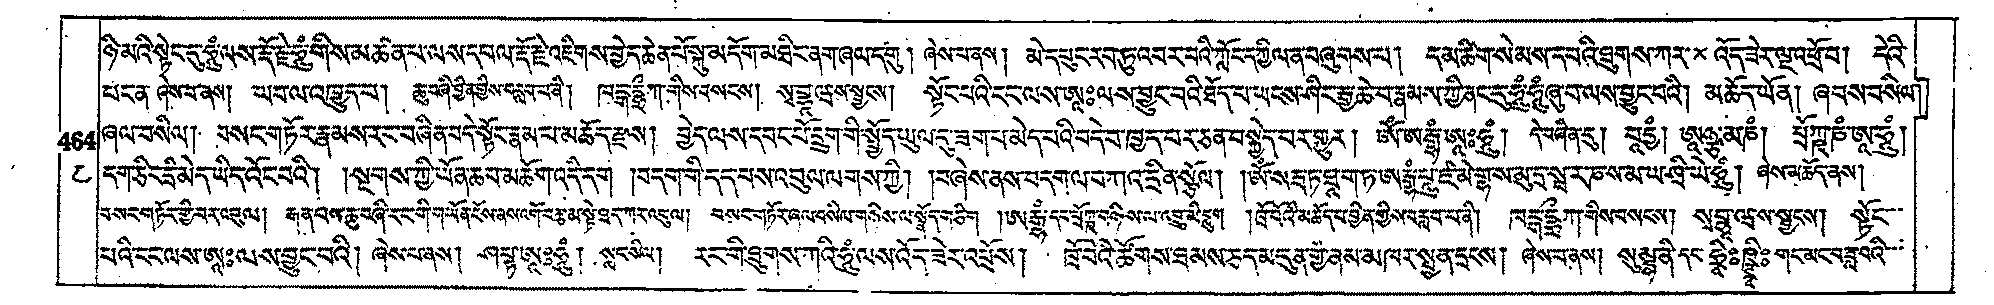ཉི་མའི་སྟེང་དུ་ཧཱུཾ་ལས་རྡོ་རྗེ་ཧཱུཾ་གིས་མཚན་པ་ལས་དཔལ་རྡོ་རྗེ་འཇིགས་བྱེད་ཆེན་པོ་སྐུ་མདོག་མཐིང་ནག་ཞལ་དགུ། ཞེས་པ་ནས།  མེ་དཔུང་རབ་ཏུ་འབར་བའི་ཀློང་དཀྱིལ་ན་བཞུགས་པ། དམ་ཚིག་སེམས་དཔའི་ཐུགས་དཀར་྾་འོད་ཟེར་ལྔ་འཕྲོ་བ། དེའི་
པང་ན་ཞེས་པ་ནས།  ཡབ་ལ་འཁྱུད་པ། ཆུ་བཞི་བྱིན་གྱིས་བརླབ་པ་ནི།  ཁངྒ་དྷྲྀཀ་གིས་བསངས།  སྭ་བྷཱ་ཝས་སྦྱངས།  སྟོང་པའི་ངང་ལས་ཨཱཿལས་བྱུང་བའི་ཐོད་པ་ཡངས་ཤིང་རྒྱ་ཆེ་བ་རྣམས་ཀྱི་ནང་དུ་ཧཱུཾ་ཧཱུཾ་ཞུ་བ་ལས་བྱུང་བའི། མཆོད་ཡོན། ཞབས་བསིལ།
ཞལ་བསིལ། བསང་གཏོར་རྣམས་རང་བཞིན་བདེ་སྟོང་རྣམ་པ་མཆོད་རྫས། བྱེད་ལས་དབང་པོ་དྲུག་གི་སྤྱོད་ཡུལ་དུ་ཟག་པ་མེད་པའི་བདེ་བ་ཁྱད་པར་ཅན་བསྐྱེད་པར་གྱུར། ཨོཾ་ཨརྒྷཾ་ཨཱཿཧཱུཾ། དེ་བཞིན་དུ།  པཱདྱཾ། ཨཱཉྩ་མ་ཎཾ། པྲོཀྵ་ཎཾ་ཨཱ་ཧཱུཾ།
དག་ཅིང་དྲི་མེད་ཡིད་འོང་བའི། །སྔགས་ཀྱི་ཡོན་ཆབ་མཆོག་འདི་དག །བདག་གི་དད་པས་འབུལ་ལགས་ཀྱི། །བཞེས་ནས་བདག་ལ་བཀའ་དྲིན་སྩོལ། །ཨོཾ་སརྦ་ཏ་ཐཱ་ག་ཏ་ཨརྒྷཾ་པཱུ་ཛ་མེ་གྷ་ས་མུ་དྲ་སྥ་ར་ཎ་ས་མ་ཡ་ཤྲི་ཡེ་ཧཱུཾ། ཞེས་མཆོད་ནས།
བསང་གཏོར་གྱི་བར་འབུལ། རྒན་པས་ཆུ་བཞི་རང་གི་གཡོན་ངོས་ནས་འགོ་བརྩམ་སྟེ་ཐད་ཀར་འབུལ། བསང་གཏོར་ཞལ་བསིལ་གཉིས་ལ་སྣོད་གཅིག །ཨརྒྷཾ་དང་པྲོཀྵ་གཉིས་ལ་འབྲུ་མི་བླུག །ཁྲོ་བོའི་མཆོད་པ་བྱིན་གྱིས་བརླབ་པ་ནི།  ཁངྒ་དྷྲྀཀ་གིས་བསངས།  སྭཱབྷཱ་ཝས་སྦྱངས།  སྟོང་
པའི་ངང་ལས་ཨཱཿལས་བྱུང་བའི། ཞེས་པ་ནས།  ཤཔྟ་ཨཱཿཧཱུཾ། སླང་སིལ།  རང་གི་ཐུགས་ཀའི་ཧཱུཾ་ལས་འོད་ཟེར་འཕྲོས། ཁྲོ་བོའི་ཚོགས་ཐམས་ཅད་མདུན་གྱི་ནམ་མཁར་སྤྱན་དྲངས། ཞེས་པ་ནས།  སུམྦྷ་ནི་དང་ཧྲཱིཿཥྚྲཱིཿགང་མང་བཟླ་བའི་་་